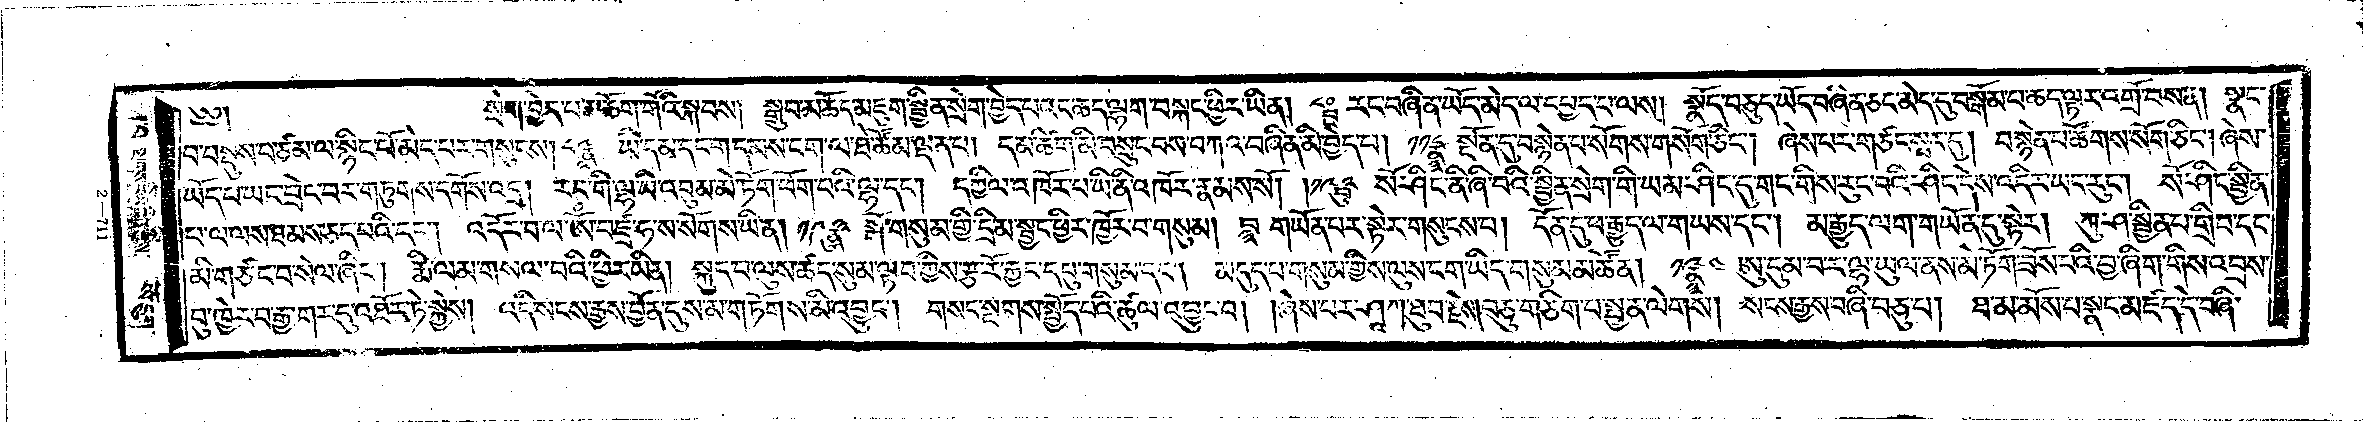༄༅། །སྲེག་བྱེད་པ་མཆོག་གོའི་སྐབས། སྒྲུབ་མཆོད་མཇུག་སྦྱིན་སྲེག་བྱེད་པའང་ཆད་ལྷག་བསྐང་ཕྱིར་ཡིན། ༨༠བ༥་རང་བཞིན་ཡོད་མེད་ལ་དཔྱད་པ་ལས། སྣོད་བཅུད་ཡོད་བཞིན་ཅང་མེད་དུ་བསྒོམ་པ་ཆད་ལྟར་འགྲོ་བས་ན། སྣང་
བ་བསྡུས་པ་ཙམ་ལ་སྙིང་པོ་མེད་པར་གསུངས། ༨༩ན༢་ཡི་དམ་དང་གདམས་ངག་ལ་ཐེ་ཚོམ་ལྡན་པ། དམ་ཚིག་མི་བསྲུང་བས་བཀའ་བཞིན་མི་བྱེད་པ། ༡༡༨ན༣་སྔོན་དུ་བསྙེན་པ་སོགས་གསོག་ཅིང་། ཞེས་པར་གཙང་སྤར་དུ། བསྙེན་པ་ཚོགས་སོག་ཅིང་། ཞེས་
ཡོད་པ་ཡང་བྲེང་བར་གཏུགས་དགོས་འདྲ། རང་གི་ལྷ་མི་འབུམ་མེ་ཏོག་ཕོག་པའི་ལྷ་དང་། དཀྱིལ་འཁོར་པ་ཡི་ནི་འཁོར་རྣམས་སོ། །༡༩༢བ༦་སོ་ཤིང་ནི་ཞི་བའི་སྦྱིན་སྲེག་གི་ཡམ་ཤིང་དུ་གང་གིས་རུང་བའི་ཤིང་དེས་འདིར་ཡང་རུང་། སོ་ཤིང་སྦྱིན་
པ་ལ་ལས་ཐམས་ཅད་པའི་དང་། འདོར་བ་ལ་ཨོཾ་བཛྲ་ཧ་ས་སོགས་ཡིན། ༡༩༣ན༦་སྒོ་གསུམ་གྱི་དྲི་མ་སྦྱང་ཕྱིར་ཁྱོར་བ་གསུམ། བ༣་གཡོན་པར་སྟེར་གསུངས་པ། དོན་དུ་ཕ་རྒྱུད་ལ་གཡས་དང་། མ་རྒྱུད་ལག་གཡོན་དུ་སྟེར། ཀུ་ཤ་སྦྱིན་པ་གྲིབ་དང་
མི་གཙང་བ་སེལ་ཞིང་། རྨི་ལམ་གསལ་བའི་ཕྱིར་ཡིན། སྐུད་པ་ལུས་ཚད་སུམ་ལྟ་བ་ཀྱིས་རྩ་རོ་རྐྱང་དཔུ་གསུམ་དང་། མདུད་པ་གསུམ་གྱིས་ལུས་ངག་ཡིད་གསུམ་མཚོན། ༡༩༤ན༣་ཨུ་དུམ་བར་ལྷ་ཡུལ་ནས་མེ་ཏོག་ཟོས་པའི་བྱ་ཞིག་གིས་འབྲས་
བུ་ཁྱེར་བ་རྒྱ་གར་དུ་འཐོར་ཏེ་སྐྱེས། འདི་སངས་རྒྱས་བྱོན་དུས་མ་གཏོགས་མི་འབྱུང་། གསང་སྔགས་སྤྱོད་པའི་ཚུལ་འབྱུང་བ། །ཞེས་པར་ཤཱཀ་ཐུབ་རྗེས། བཅུ་གཅིག་པ་སྤྱན་ལེགས། སངས་རྒྱས་བཞི་བཅུ་པ། ཐ་མ་མོས་པ་སྣང་མཛད་དེ་བཞི་